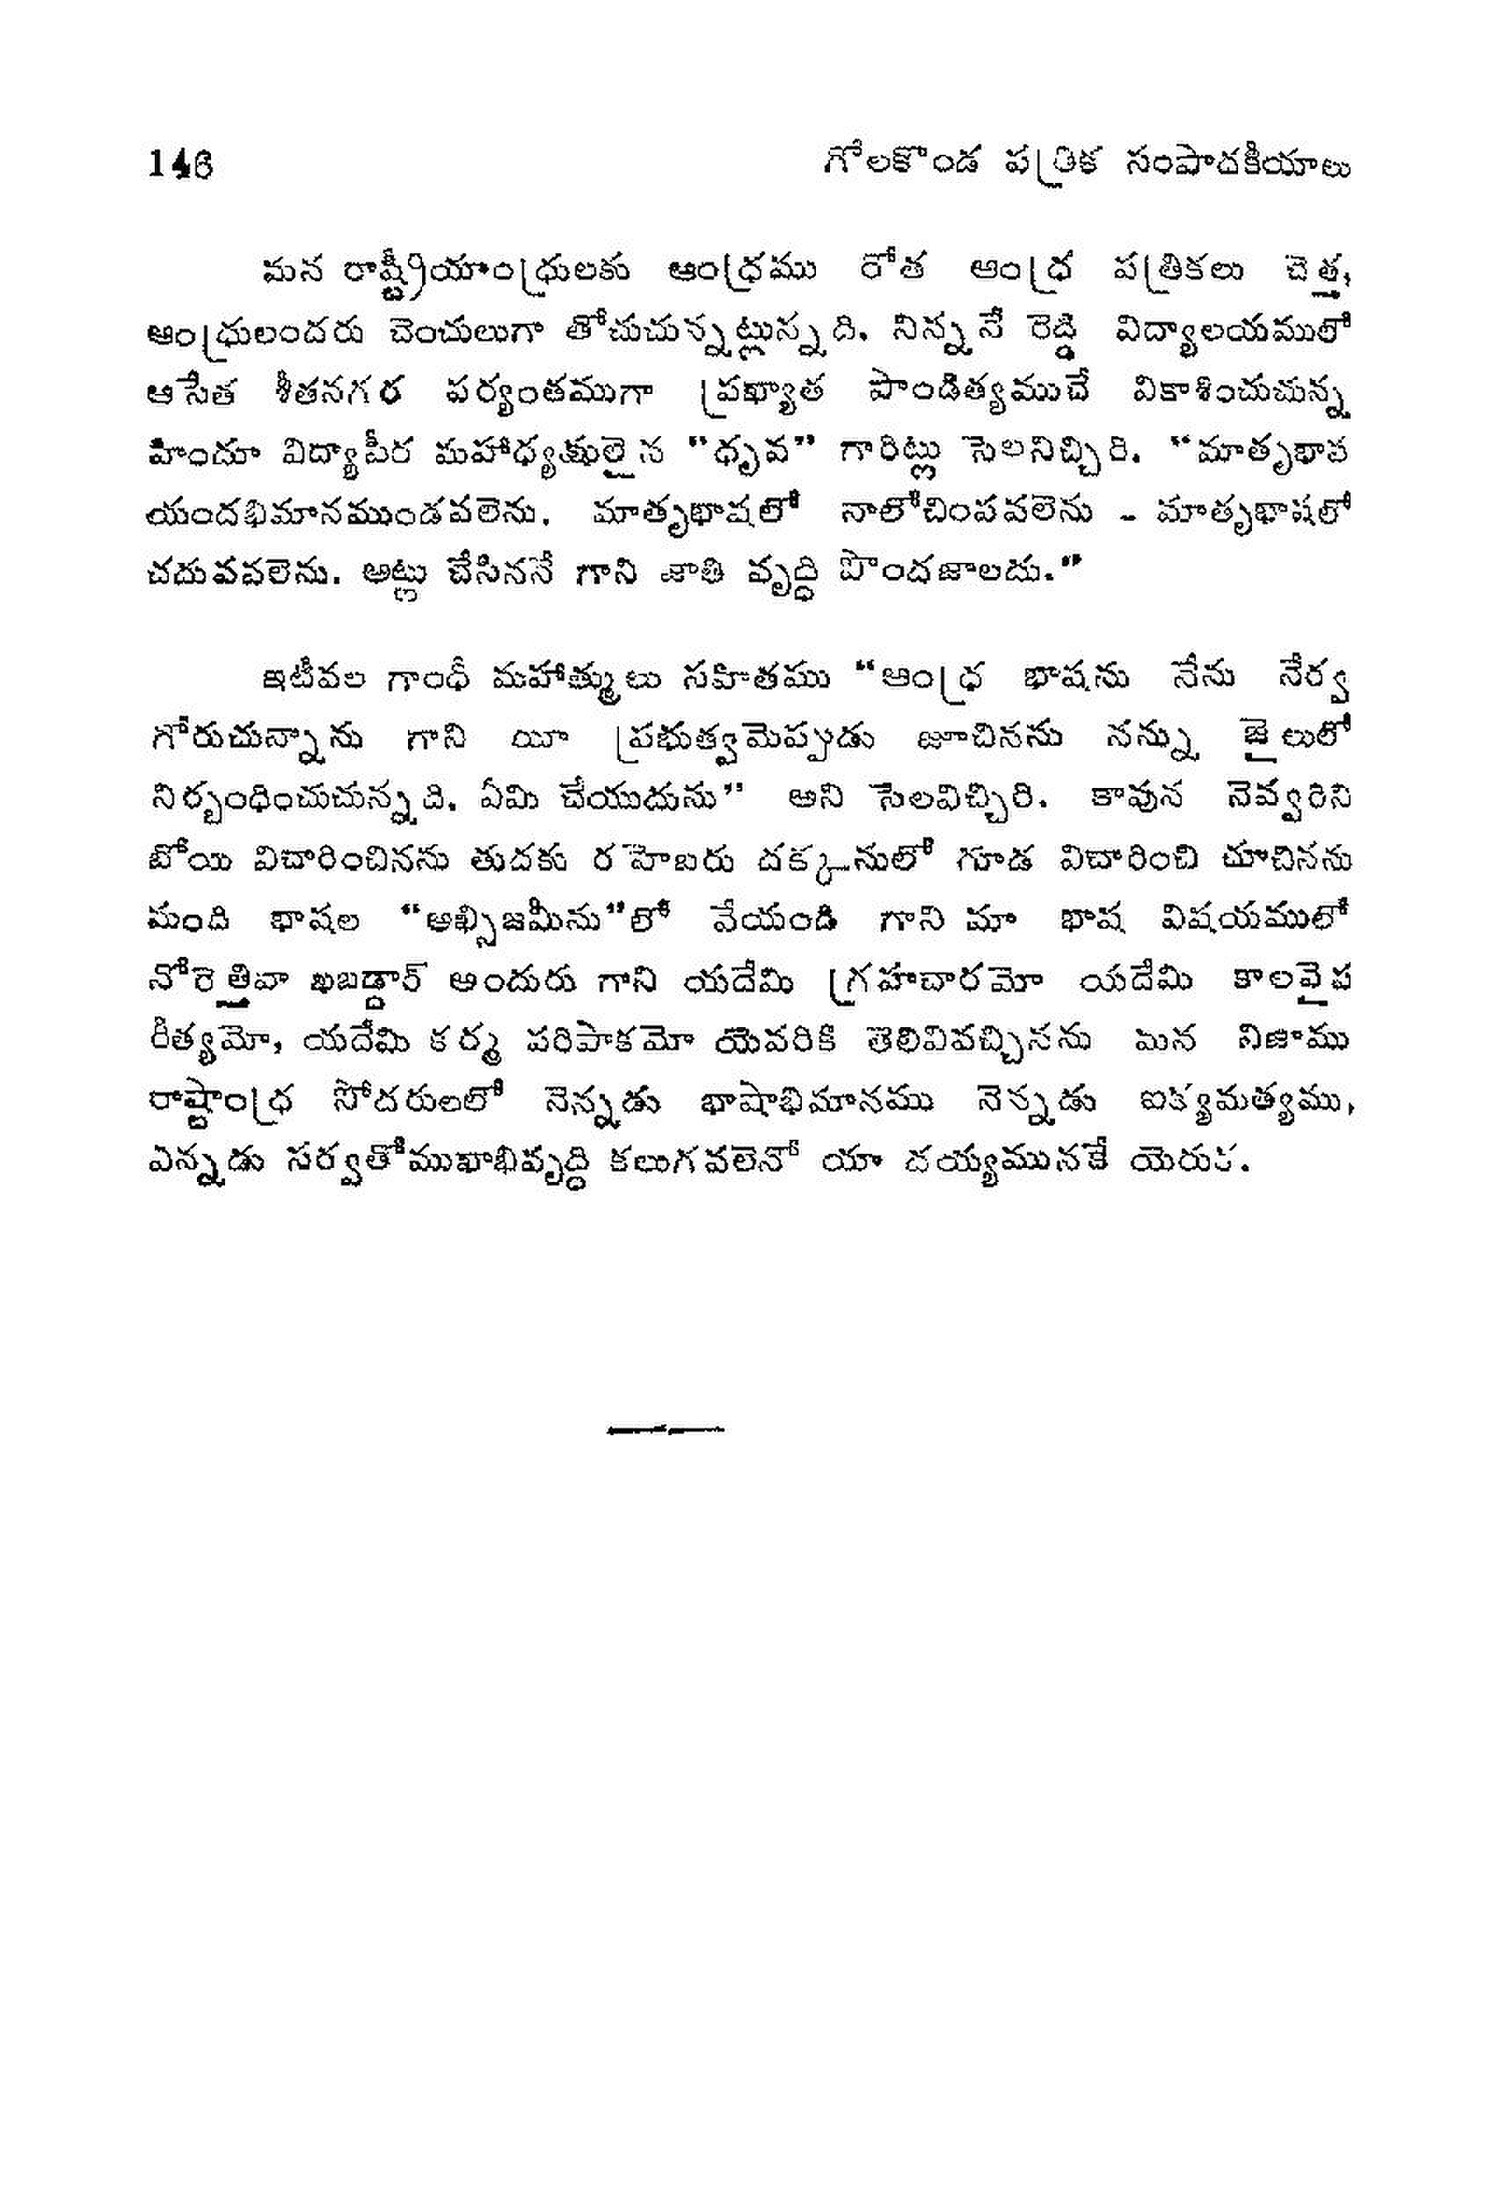మన రాష్ట్రీయాంధ్రులకు ఆంధ్రము రోత ఆంధ్ర పత్రికలు చెత్త, ఆంధ్రులందరు చెంచులుగా తోచుచున్నట్లున్నది. నిన్ననే రెడ్డి విద్యాలయములో ఆసేత శీతనగర పర్యంతముగా ప్రఖ్యాత పాండిత్యముచే వికాశించుచున్న హిందూ విద్యాపీఠ మహాధ్యక్షులైన "ధృవ” గారిట్లు సెలనిచ్చిరి. "మాతృభాష యందభిమానముండవలెను. మాతృభాషలో నాలోచింపవలెను - మాతృభాషలో చదువవలెను. అట్లు చేసిననే గాని జాతి వృద్ధి పొందజాలదు."

ఇటీవల గాంధీ మహాత్ములు సహితము “ఆంధ్ర భాషను నేను నేర్వ గోరుచున్నాను గాని యీ ప్రభుత్వమెప్పుడు జూచినను నన్ను జైలులో నిర్బంధించుచున్నది. ఏమి చేయుదును" అని సెలవిచ్చిరి. కావున నెవ్వరిని బోయి విచారించినను తుదకు రహెబరు దక్కనులో గూడ విచారించి చూచినను మంది భాషల "అఖ్సిజమీను"లో వేయండి గాని మా భాష విషయములో నోరెత్తివా ఖబడ్దార్ అందురు గాని యదేమి గ్రహచారమో యదేమి కాలవైపరీత్యమో, యదేమి కర్మ పరిపాకమో యెవరికి తెలివివచ్చినను మన నిజాము రాష్ట్రాంధ్ర సోదరులలో నెన్నడు భాషాభిమానము నెన్నడు ఐక్యమత్యము, ఎన్నడు సర్వతోముఖాభివృద్ధి కలుగవలెనో యా దయ్యమునకే యెరుక.